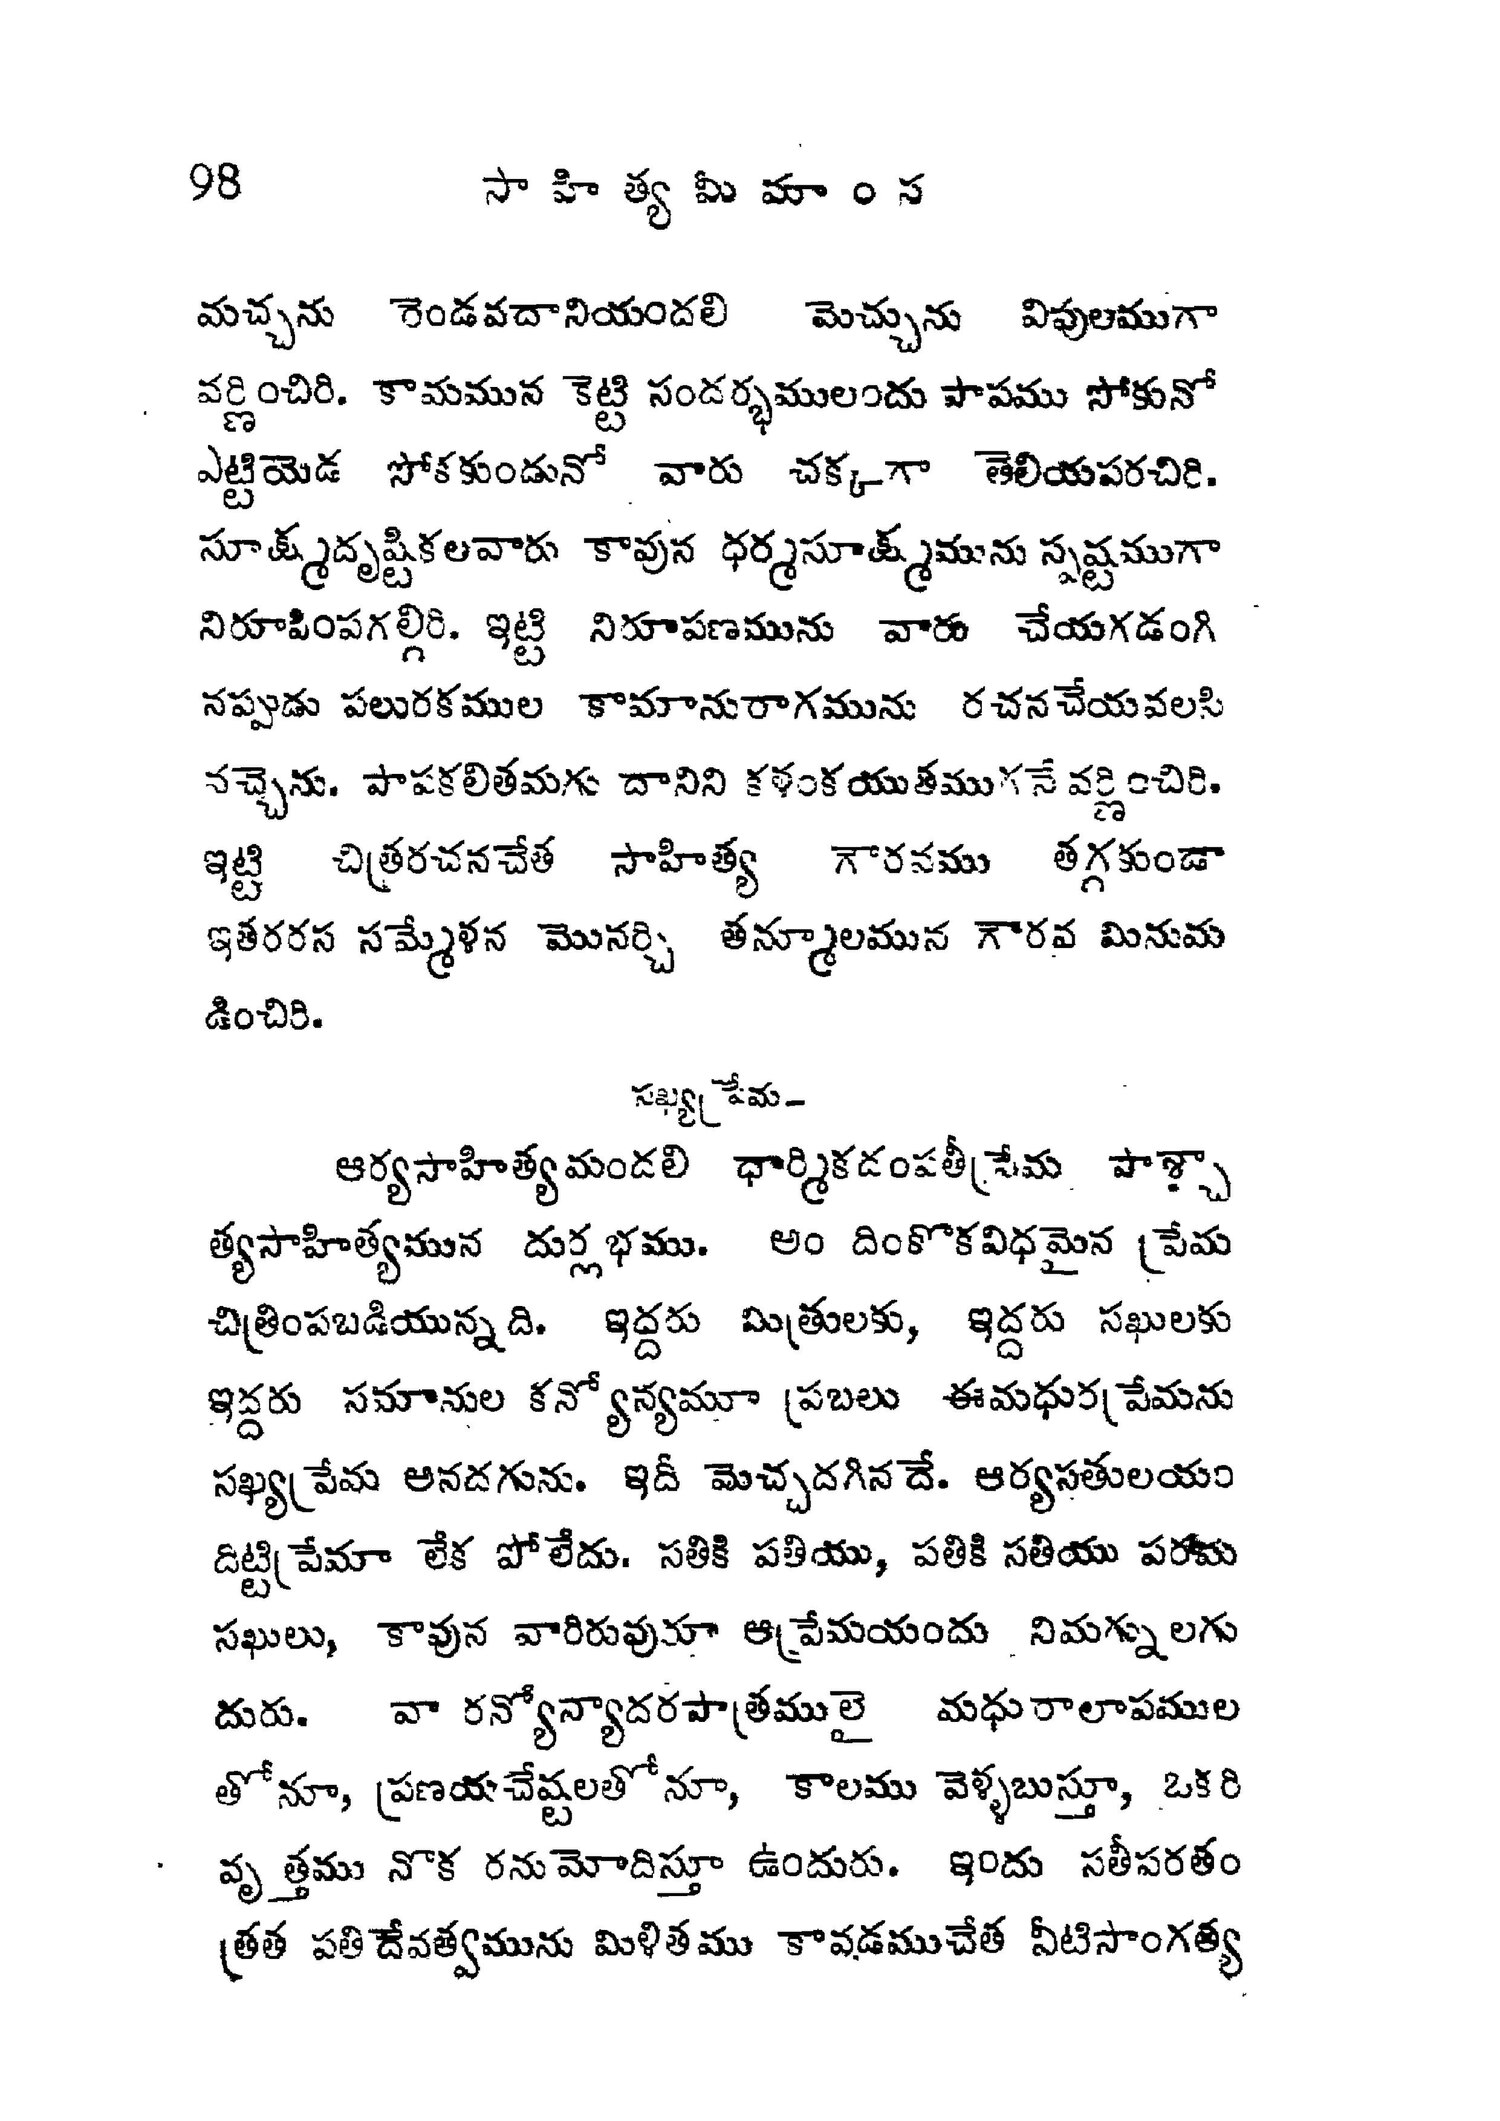మచ్చను రెండవదానియందలి మెచ్చును విపులముగా వర్ణించిరి. కామమున కెట్టి సందర్భములందు పాపము సోకునో ఎట్టియెడ సోకకుండునో వారు చక్కగా తెలియపరచిరి. సూక్ష్మదృష్టికలవారు కావున ధర్మసూక్ష్మమును స్పష్టముగా నిరూపింపగల్గిరి. ఇట్టి నిరూపణమును వారు చేయగడంగినప్పుడు పలురకముల కామానురాగమును రచనచేయవలసి వచ్చెను. పాపకలితమగు దానిని కళంకయుతముగనే వర్ణించిరి. ఇట్టి చిత్రరచనచేత సాహిత్య గౌరవము తగ్గకుండా ఇతరరస సమ్మేళన మొనర్చి తన్మూలమున గౌరవ మినుమడించిరి.

ఆర్యసాహిత్యమందలి ధార్మికదంపతీప్రేమ పాశ్చాత్యసాహిత్యమున దుర్లభము. అం దింకొకవిధమైన ప్రేమ చిత్రింపబడియున్నది. ఇద్దరు మిత్రులకు, ఇద్దరు సఖులకు ఇద్దరు సమానుల కన్యోన్యమూ ప్రబలు ఈమధురప్రేమను సఖ్యప్రేమ అనదగును. ఇదీ మెచ్చదగినదే. ఆర్యసతులయం దిట్టిప్రేమా లేక పోలేదు. సతికి పతియు, పతికి సతియు పరమ సఖులు, కావున వారిరువురూ ఆప్రేమయందు నిమగ్నులగుదురు. వా రన్యోన్యాదరపాత్రములై మధురాలాపములతోనూ, ప్రణయచేష్టలతోనూ, కాలము వెళ్ళబుస్తూ, ఒకరి వృత్తము నొక రనుమోదిస్తూ ఉందురు. ఇందు సతీపరతంత్రత పతిదేవత్వమును మిళితము కావడముచేత వీటిసాంగత్య